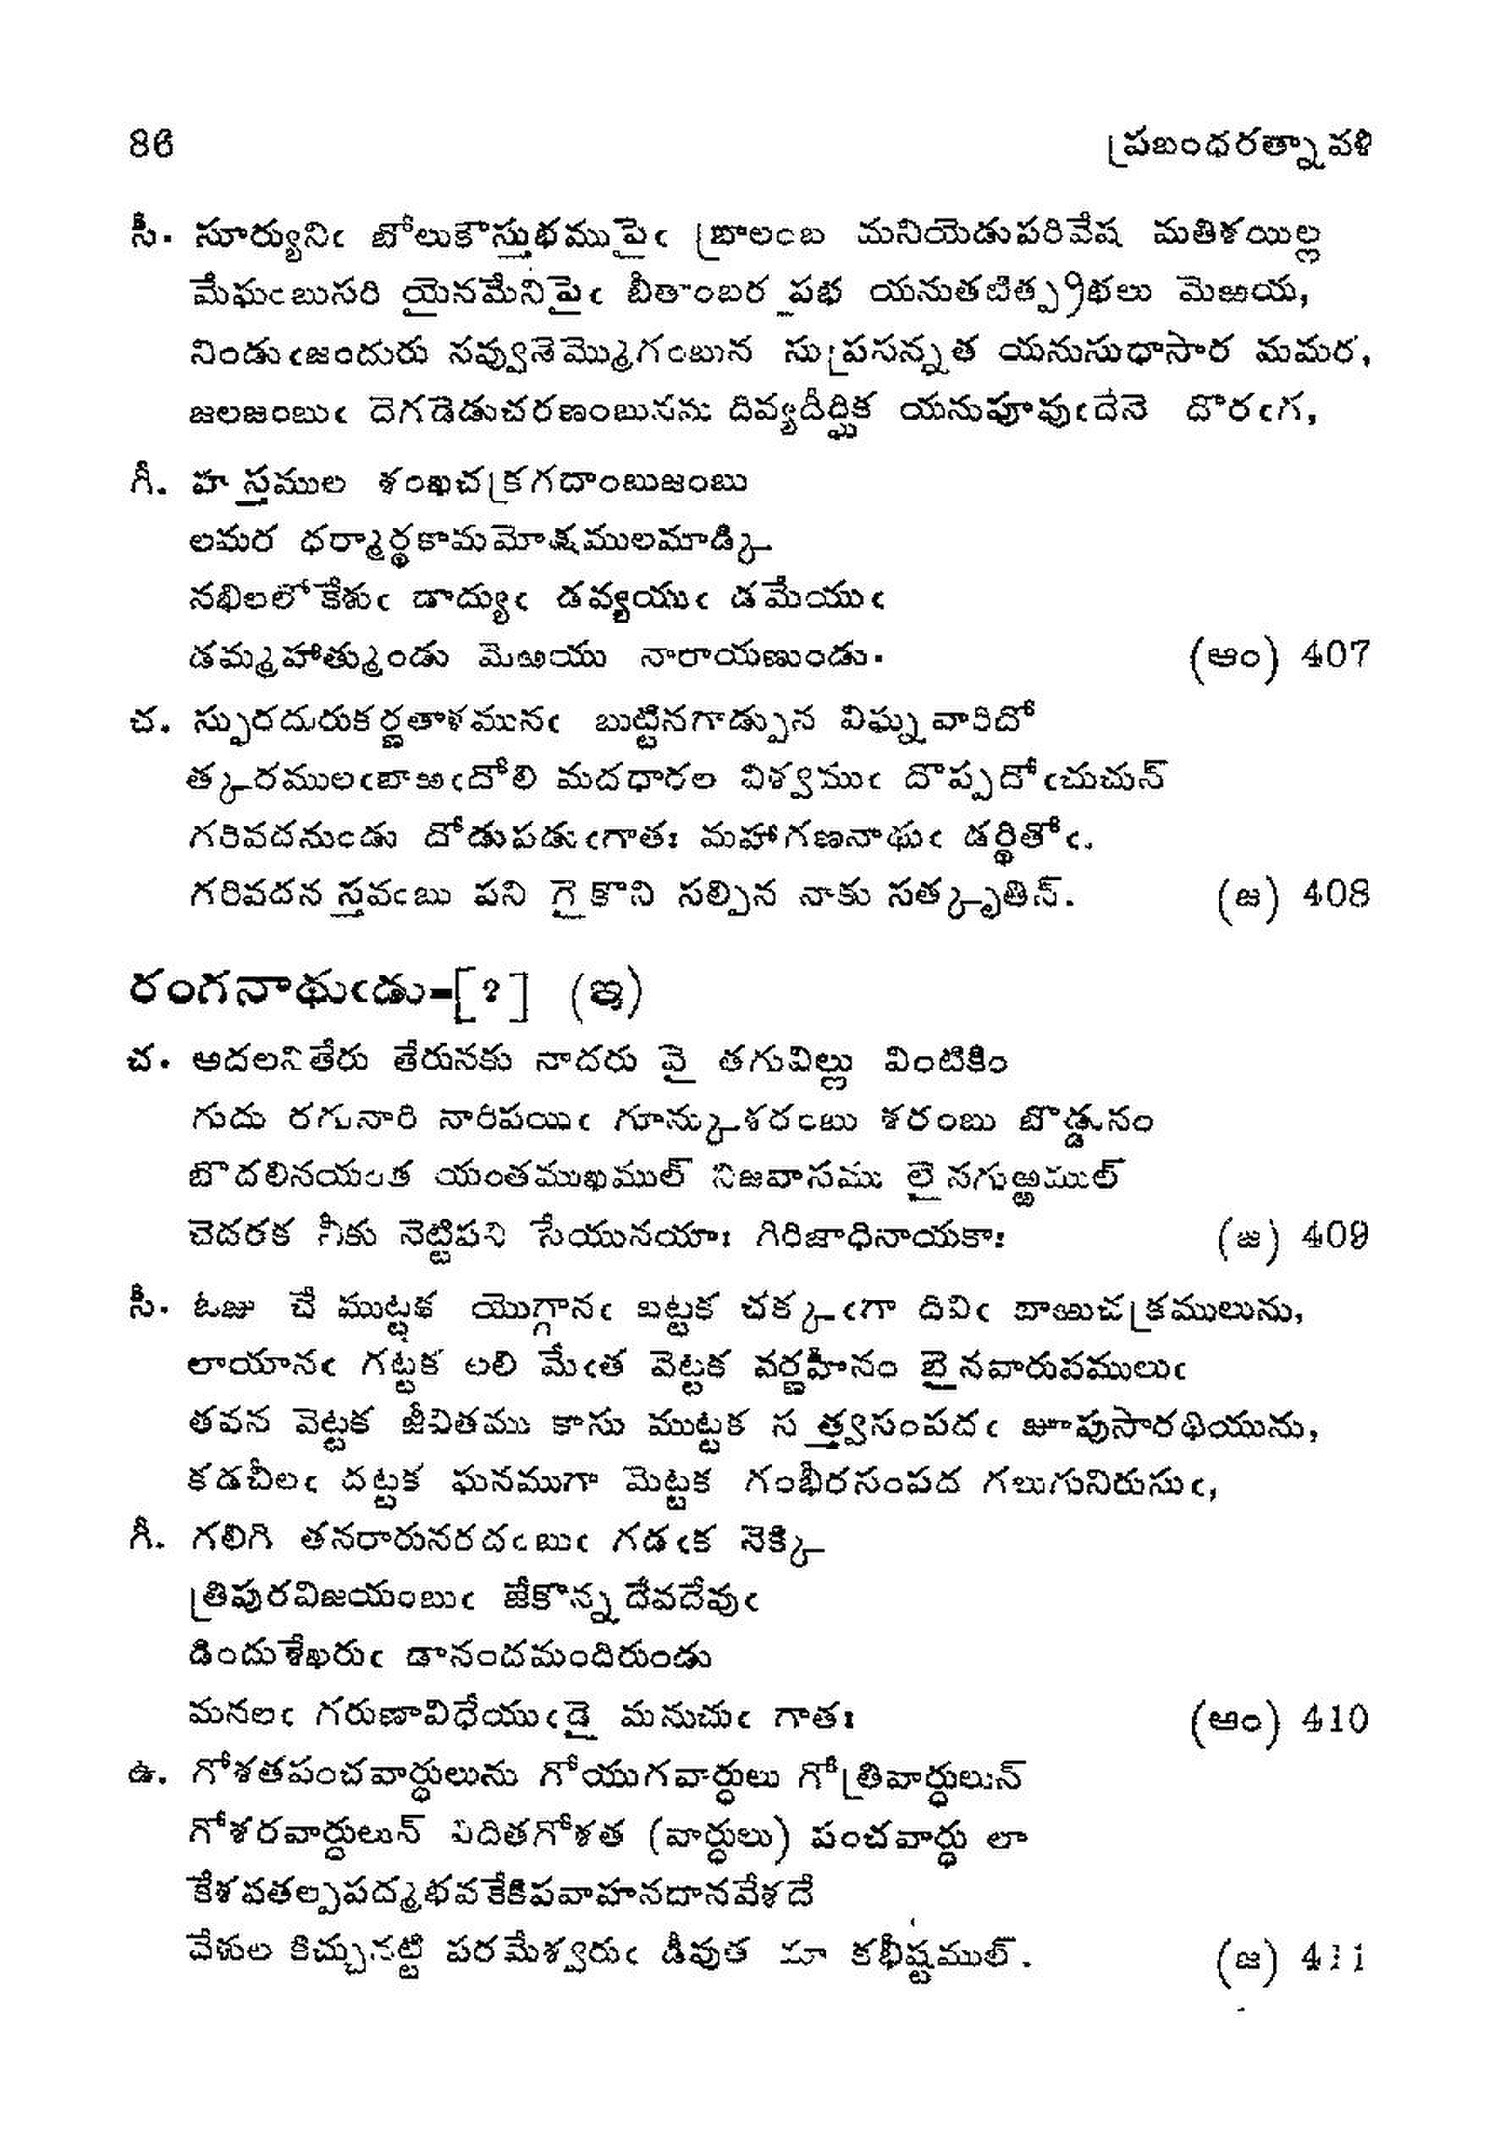సీ. సూర్యునిఁబోలు కౌస్తుభముపైఁ బ్రాలంబ మనియెడు పరివేష మతిశయిల్ల,
మేఘంబుసరియైన మేనిపైఁ బీతాంబ ర ప్రభ యను తటిత్ప్రభలు మెఱయ,
నిండుఁజందురు నవ్వునెమ్మొగంబున సుప్ర సన్నత యను సుధాసార మమర,
జలజంబుఁ దెగడెడు చరణంబునను దివ్య దీర్ఘిక యను పూవుఁదేనె దొరఁగ,
గీ. హస్తముల శంఖచక్రగదాంబుజంబు
లమర ధర్మార్థకామమోక్షముల మాడ్కి
నఖిలలోకేశుఁ డాద్యుఁ డవ్యయుఁడమేయుఁ
డమ్మహాత్ముండు మెఱయు నారాయణుండు. (ఆం) 407

చ. స్ఫురదురుకర్ణతాళమునఁ బుట్టినగాడ్పున విఘ్నవారిదో
త్కరములఁబాఱఁదోలి మదధారల విశ్వముఁ దొప్పదోఁచుచున్
గరివదనుండు దోడుపడుఁగాత! మహాగణనాథుఁ డర్థితోఁ
గరవదన స్తవంబు పని గైకొని సల్పిన నాకు సత్కృపన్ (జ) 408

రంగనాథుఁడు [?] (ఇ)
చ. అదలని తేరు తేరునకు నాదరువై తగువిల్లు వింటికిన్
గుదురగు నారి నారిపయిఁ 2గూన్కుశరంబు శరంబు బొడ్డునం
బొదలినయంత యంతముఖముల్ నిజవాసములైన గుఱ్ఱముల్
చెదరక నీకు నెట్టిపని సేయునయా! గిరిజాధినాయకా! (జ) 409 

సీ. ఓజుచే ముట్టక యొగ్గానఁ బట్టక చక్కఁగా దివిఁబాఱు చక్రమునును,
లాయానఁ గట్టక లలి మేఁతవెట్టక వర్ణహీనంబైన వారువములు,
దవనవెట్టక జీవితము కాసుముట్టక సత్త్వసంపదఁజూపు సారథియును,
కడచీలఁ దట్టక ఘనముగా మెట్టక గంభీరసంపద గలుగునిరుసుఁ,
గీ. గలిగి తనరారు నరదంబుఁ గడఁక నెక్కి
త్రిపురవిజయంబుఁ జేకొన్న దేవదేవుఁ
డిందుశేఖరుఁ డానంద మందిరుండు
మనలఁ గరుణావిధేయుఁడై మనుచుఁ గాత! (ఆం) 410

ఉ. గోశతపంచవార్థులును గోయుగవార్ధులు గోత్రివార్ధులున్
గోశరవార్ధులున్ విదితగోశత[వార్ధులు] పంచవార్ధు లా
కేశవ తల్పపద్మభవకేకిసవాహనదానవేశ దే
వేశులకిచ్చునట్టి పరమేశ్వరుఁడీవుత మా కభీష్టముల్. (జ) 411